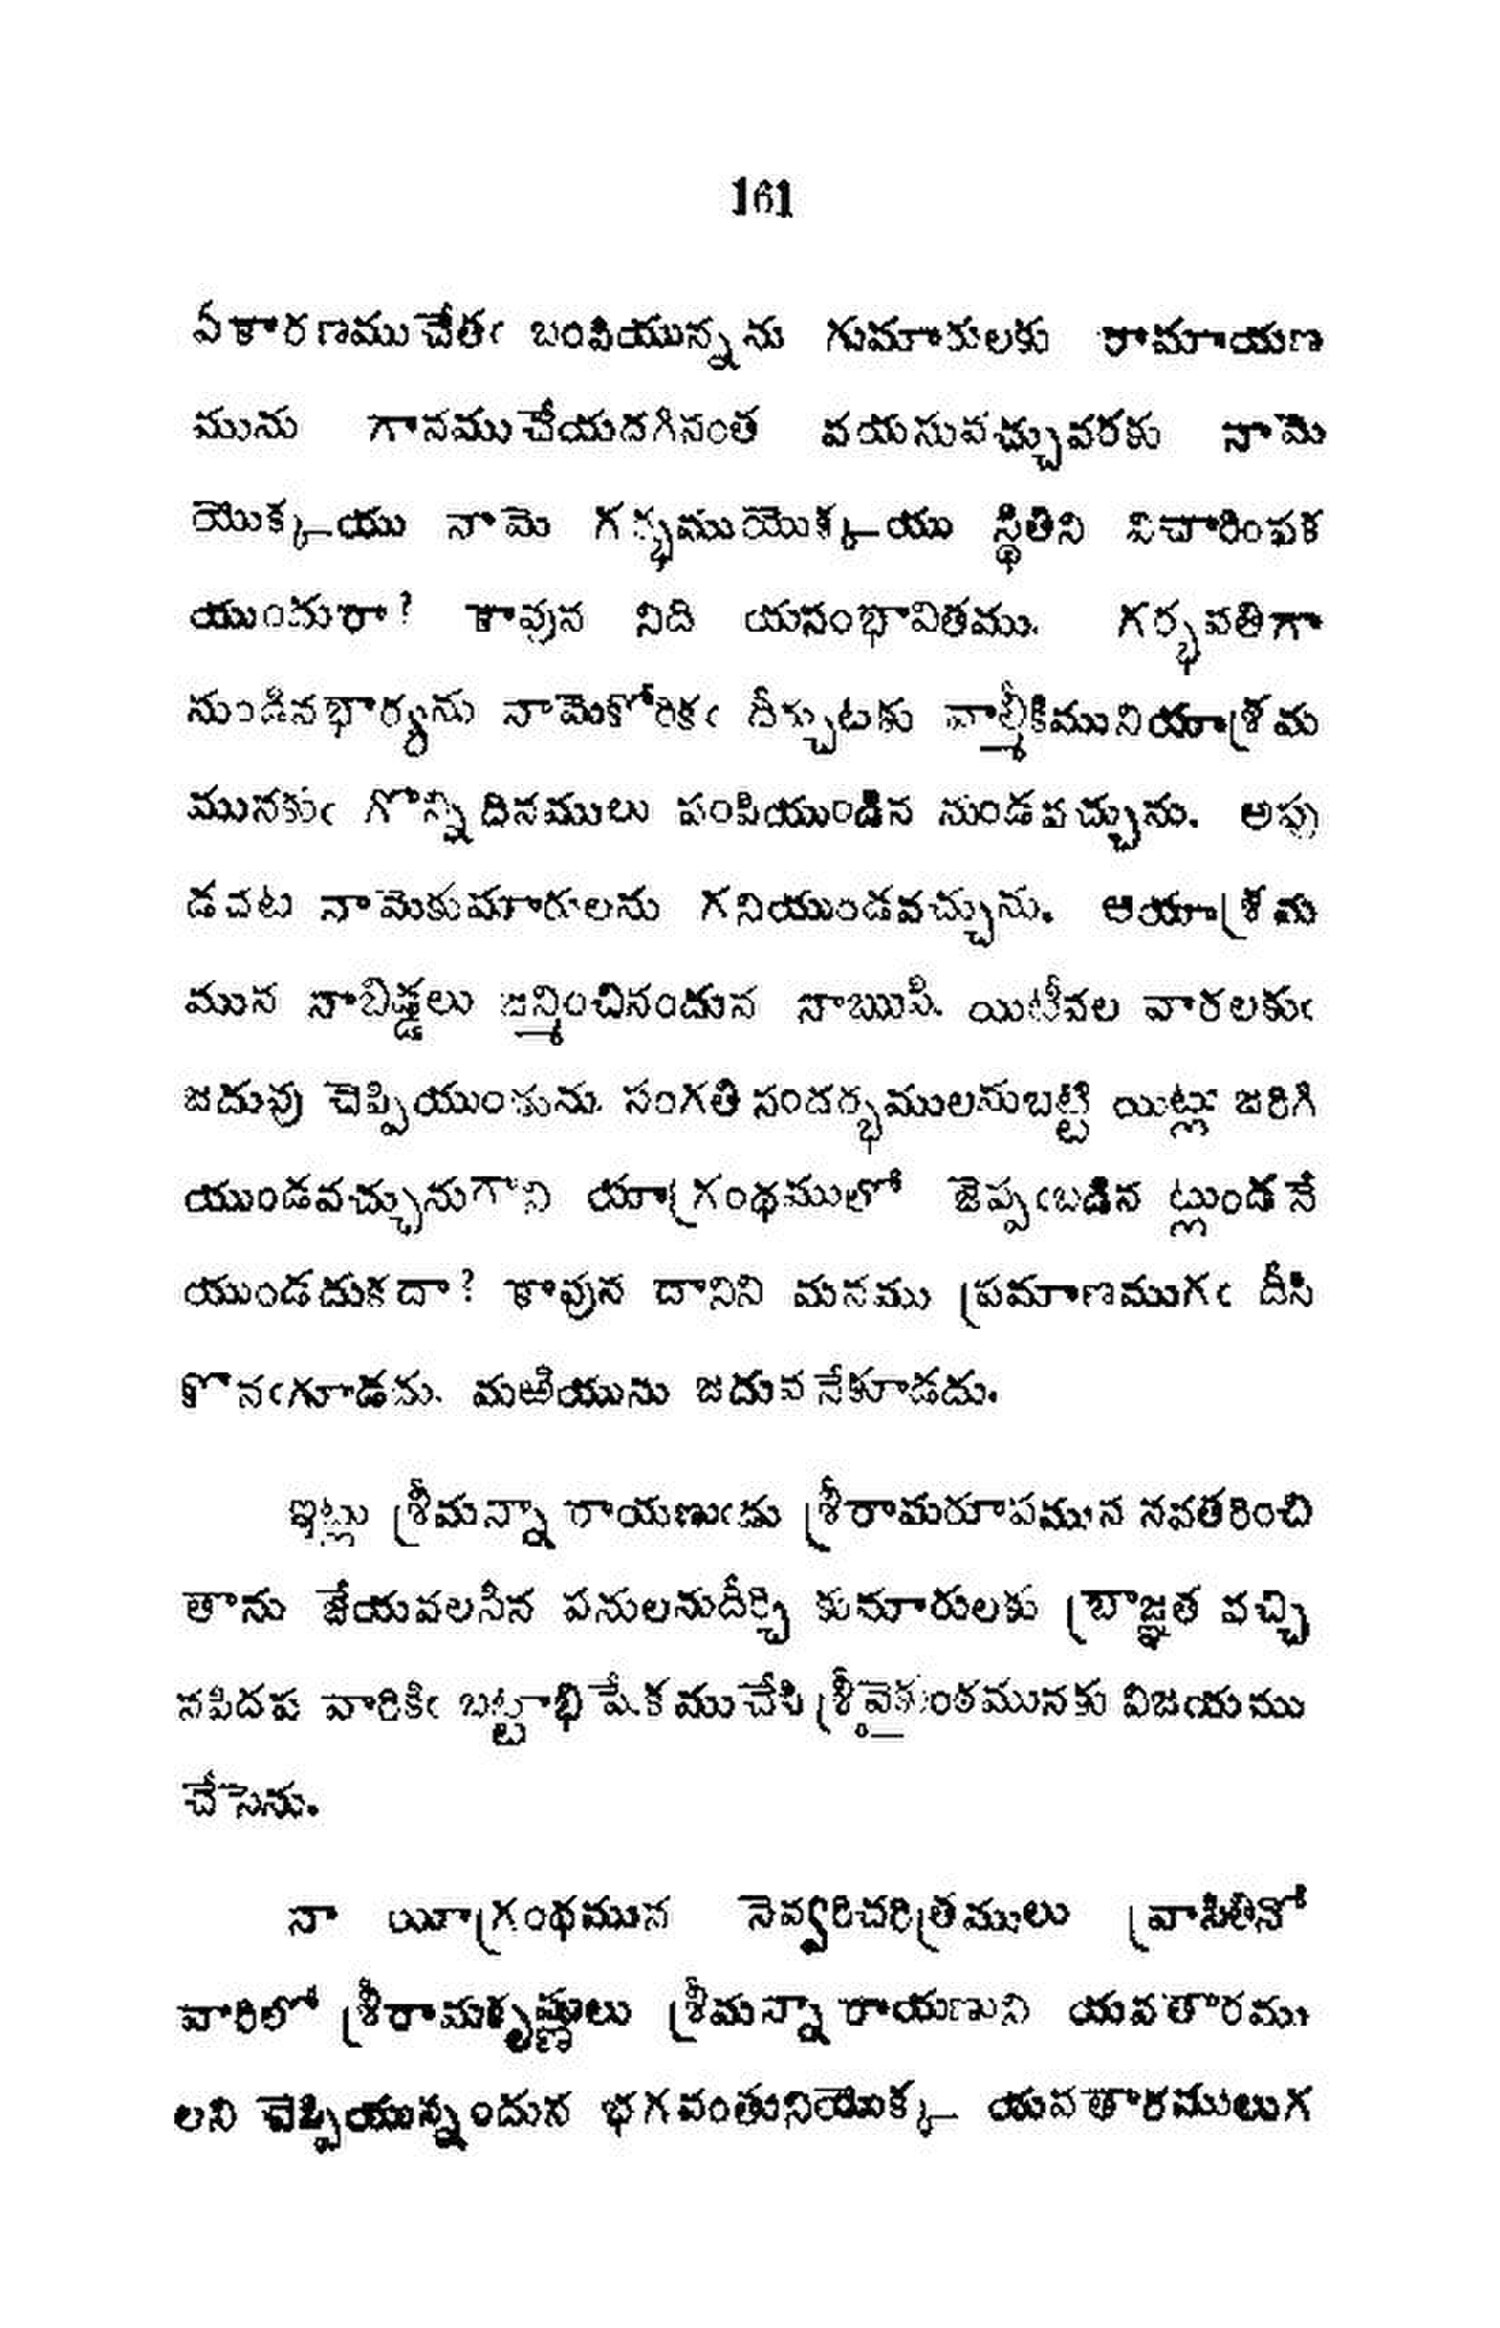ఏకారణముచేతఁ బంపియున్నను గుమారులకు రామాయణమును గానముచేయదగినంత వయసువచ్చువరకు నామె యొక్కయు నామె గర్భముయొక్కయు స్థితిని విచారింపక యుందురా? కావున నిది యసంభావితము. గర్భవతిగా నుండినభార్యను నామెకోరికఁ దీర్చుటకు వాల్మీకిమునియాశ్రమమునకుఁ గొన్నిదినములు పంపియుండిన నుండవచ్చును. అపు డచట నామెకుమారులను గనియుండవచ్చును. ఆయాశ్రమమున నాబిడ్డలు జన్మించినందున నాఋషి యిటీవల వారలకుఁ జదువు చెప్పియుండును. సంగతి సందర్భములనుబట్టి యిట్లు జరిగి
యుండవచ్చునుగాని యాగ్రంథములో జెప్పఁబడిన ట్లుండనే యుండదుకదా! కావున దానిని మనము ప్రమాణముగఁ దీసికొనఁగూడదు. మఱియును జదువనేకూడదు.

ఇట్లు శ్రీమన్నారాయణుఁడు శ్రీరామరూపమున సవతరించి తాను జేయవలసిన పనులనుదీర్చి కుమారులకు బ్రాజ్ఞత వచ్చినపిదప వారికిఁ బట్టాభిషేకముచేసి శ్రీవైకుంఠమునకు విజయము చేసెను.

నా యీగ్రంథమున నెవ్వరిచరిత్రములు వ్రాసితినో వారిలో శ్రీరామకృష్ణులు శ్రీమన్నారాయణుని యవతారములని చెప్పియున్నందున భగవంతునియొక్క యవతారములుగ